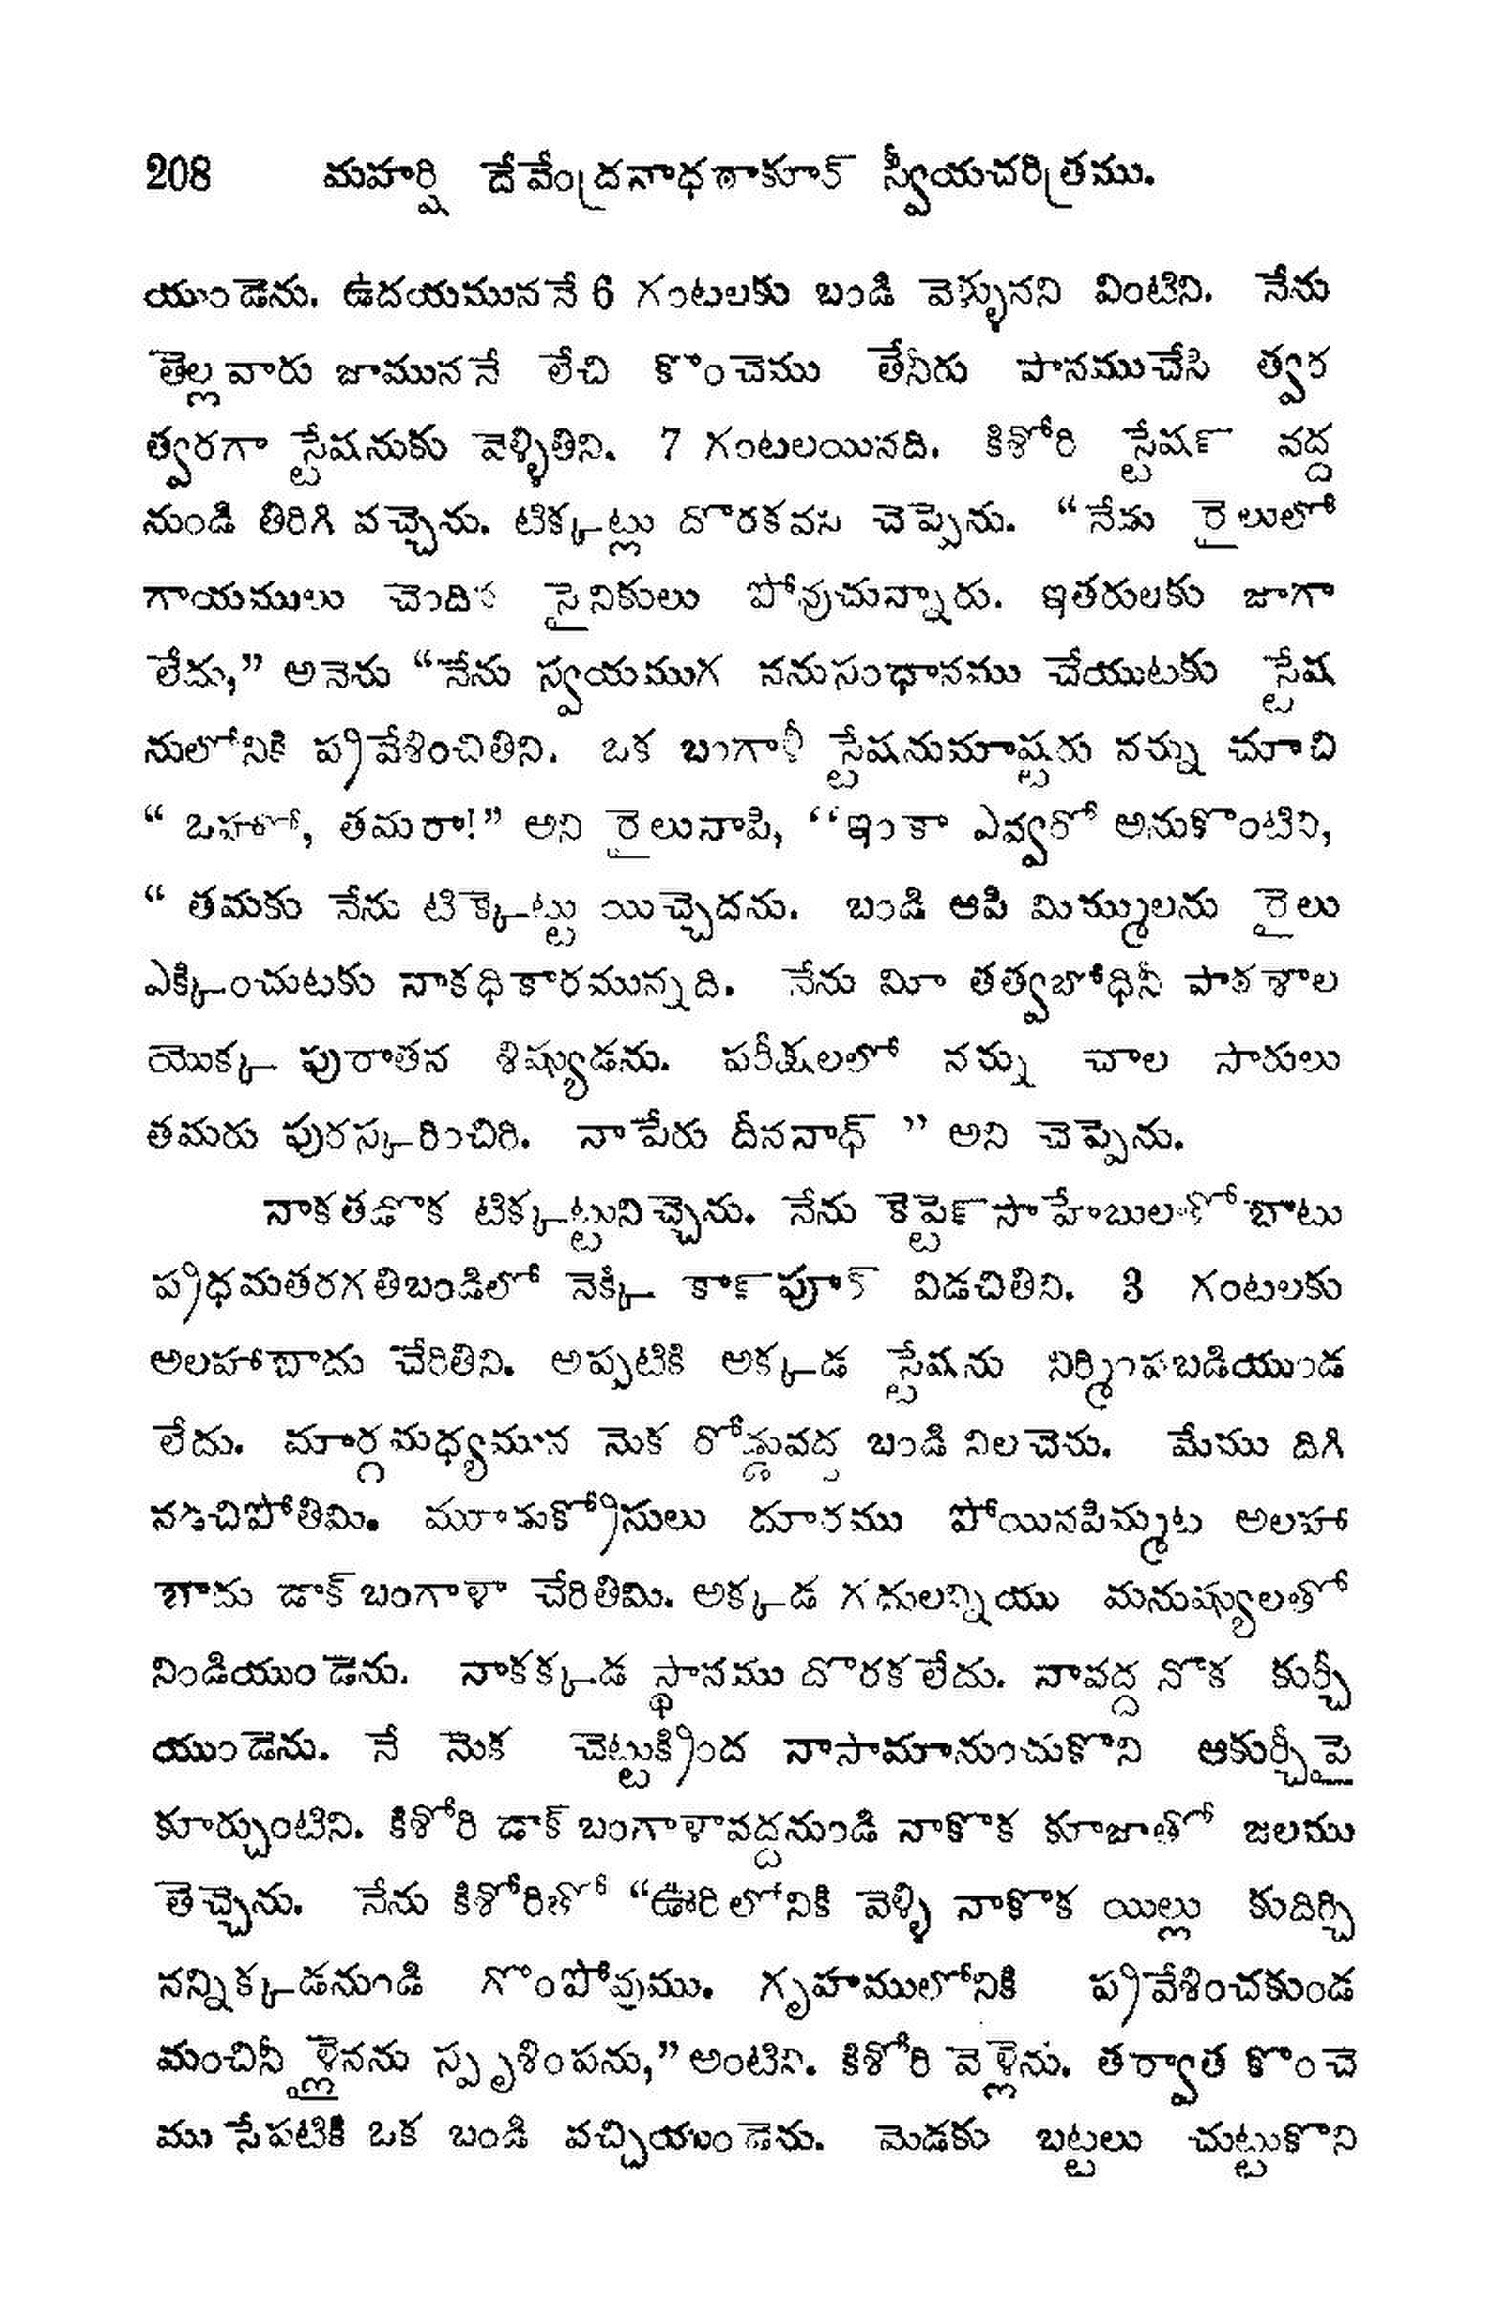.
యుండెను. ఉదయమున నే 6 గంటలకు బండి వెళ్ళునని వింటిని, నేను
తెల్ల వారు జాముననే లేచి కొంచెము తేనీరు పానము చేసి త్వర
త్వరగా స్టేషనుకు వెళ్ళితిని. 7 గంటలయినది. కిశోరి స్టేషన్" వద్ద
నుండి తిరిగి వచ్చెను. టిక్కట్లు దొరకవని చెప్పెను.“ నేడు రైలులో 
గాయములుచెందిన సైనికులు పోవుచున్నారు. ఇతరులకు జాగా
లేదు,” అనెను “ నేను స్వయముగ ననుసంధానము చేయుటకు
స్టేషనులోనికి ప్రవేశించితిని. ఒక బంగాళీ స్టేషను మాష్టరు నన్ను 
చూచి ఒహో, తమరా!!” అని రైలునాపి, “ఇంకా ఎవ్వరో అనుకొంటిని,
" తమకు నేను టీక్కెట్టు యిచ్చెదను. బండి ఆపి మిమ్ములను రైలు
ఎక్కించుటకు నాకధి కారమున్నది. నేను నూ తత్వబోధినీ పాఠశాల
యొక్క పురాతన శిష్యుడను. పరీక్షలలో నన్ను చాల సారులు
తమరు పురస్కరించిరి. నా పేరు దీననాధ్ అని చెప్పెను

.
నాకతడొక టిక్కట్టునిచ్చెను. నేను కెప్టెన్" సాహేబులతో బాటు,
ప్రధమతరగతి బండిలో నెక్కి కాన్ పూర్ విడచితిని. 3 గంటలకు
అలహా దాదు చేరితిని. అప్పటికి అక్కడ స్టేషను నిర్మింపబడియుడ
లేదు. మార్గ మధ్యమున ఒక రోడ్డు వద్ద బండి నిలచెను. మేము దిగి
నడిచిపోతిమి. మూఫుకోసులు దూరము పోయిన పిమ్మట అలహా
బాదు డాక్ బంగాళా చేరితిమి. అక్కడ గదులన్నియు మనుష్యులతో
నిండియుండెను. నాకక్కడ స్థానము దొరక లేదు. నావద్ద నొక కుర్చీ
యుండెను. నేనొక చెట్టుకింద నాసామానుంచుకొని ఆకుర్చీపై
కూర్చుంటిని. కిశోరి డాక్ బంగాళా పద్దనుండి నాకొక కూజాతో జలము
తెచ్చెను. నేను కిశోరి, ఈ “ఊరి లోనికి వెళ్ళి నాకొక యిల్లు కుదిర్చి
నన్నిక్కడనుండి గొంపోవుము. గృహము లోనికి ప్రవేశించకుండ
మంచినీళ్లనను స్పృశింపను,” అంటిని. కిశోరి "వెళ్లెను. తర్వాత కొంచె
ము సేపటికి ఒక బండి వచ్చియుండెను. మెడకు బట్టలు చుట్టుకొని